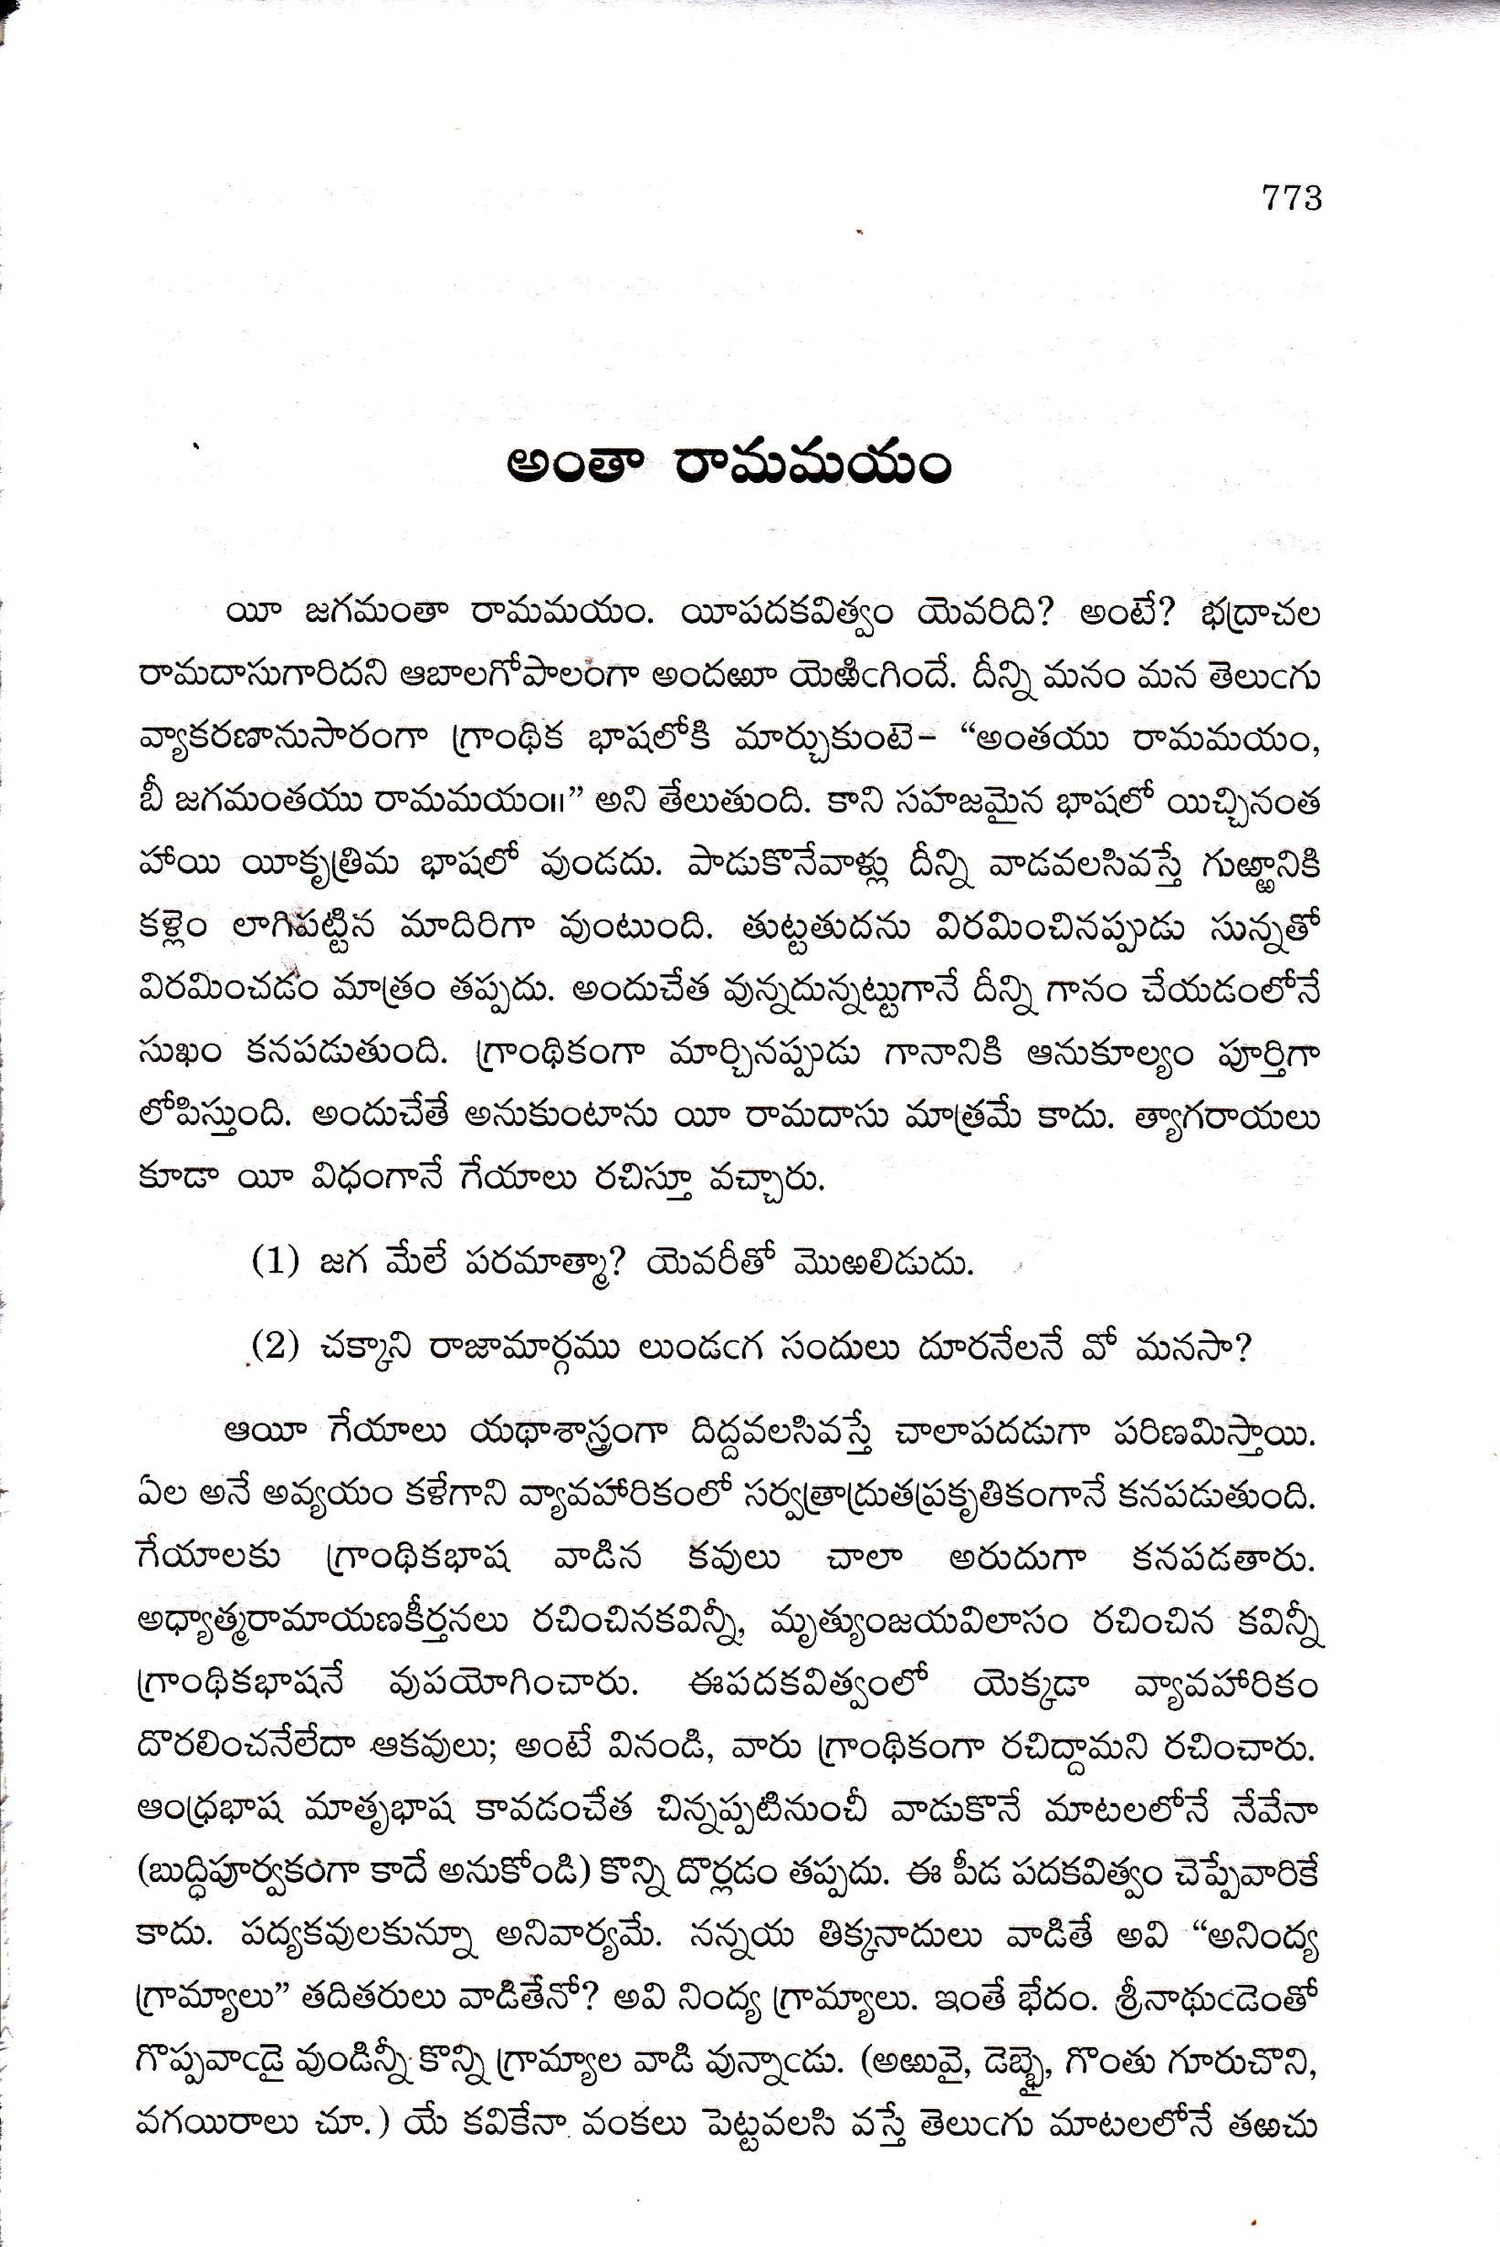అంతా రామమయం

యీ జగమంతా రామమయం. యీపదకవిత్వం యెవరిది? అంటే? భద్రాచల రామదాసుగారిదని ఆబాలగోపాలంగా అందఱూ యెఱిఁగిందే. దీన్ని మనం మన తెలుఁగు వ్యాకరణానుసారంగా గ్రాంథిక భాషలోకి మార్చుకుంటె– “అంతయు రామమయం, బీ జగమంతయు రామమయం!!" అని తేలుతుంది. కాని సహజమైన భాషలో యిచ్చినంత హాయి యీకృత్రిమ భాషలో వుండదు. పాడుకొనేవాళ్లు దీన్ని వాడవలసివస్తే గుఱ్ఱానికి కళ్లెం లాగిపట్టిన మాదిరిగా వుంటుంది. తుట్టతుదను విరమించినప్పుడు సున్నతో విరమించడం మాత్రం తప్పదు. అందుచేత వున్నదున్నట్టుగానే దీన్ని గానం చేయడంలోనే సుఖం కనపడుతుంది. గ్రాంథికంగా మార్చినప్పుడు గానానికి ఆనుకూల్యం పూర్తిగా లోపిస్తుంది. అందుచేతే అనుకుంటాను యీ రామదాసు మాత్రమే కాదు. త్యాగరాయలు కూడా యీ విధంగానే గేయాలు రచిస్తూ వచ్చారు.

(1) జగ మేలే పరమాత్మా? యెవరీతో మొఱలిడుదు.

(2) చక్కాని రాజామార్గము లుండఁగ సందులు దూరనేలనే వో మనసా?

ఆయీ గేయాలు యథాశాస్త్రంగా దిద్దవలసివస్తే చాలాపదడుగా పరిణమిస్తాయి. ఏల అనే అవ్యయం కళేగాని వ్యావహారికంలో సర్వత్రాద్రుతప్రకృతికంగానే కనపడుతుంది. గేయాలకు గ్రాంథికభాష వాడిన కవులు చాలా అరుదుగా కనపడతారు. అధ్యాత్మరామాయణకీర్తనలు రచించినకవిన్నీ మృత్యుంజయవిలాసం రచించిన కవిన్నీ గ్రాంథికభాషనే వుపయోగించారు. ఈపదకవిత్వంలో యెక్కడా వ్యావహారికం దొరలించనేలేదా ఆకవులు; అంటే వినండి, వారు గ్రాంథికంగా రచిద్దామని రచించారు. ఆంధ్రభాష మాతృభాష కావడంచేత చిన్నప్పటినుంచీ వాడుకొనే మాటలలోనే నేవేనా (బుద్ధిపూర్వకంగా కాదే అనుకోండి) కొన్ని దొర్లడం తప్పదు. ఈ పీడ పదకవిత్వం చెప్పేవారికే
కాదు. పద్యకవులకున్నూ అనివార్యమే. నన్నయ తిక్కనాదులు వాడితే అవి “అనింద్య గ్రామ్యాలు" తదితరులు వాడితేనో? అవి నింద్య గ్రామ్యాలు. ఇంతే భేదం. శ్రీనాథుఁడెంతో గొప్పవాఁడై వుండిన్నీ కొన్ని గ్రామ్యాల వాడి వున్నాఁడు. (అఱువై, డెబ్బై, గొంతు గూరుచొని, వగయిరాలు చూ.) యే కవికేనా వంకలు పెట్టవలసి వస్తే తెలుఁగు మాటలలోనే తఱచు